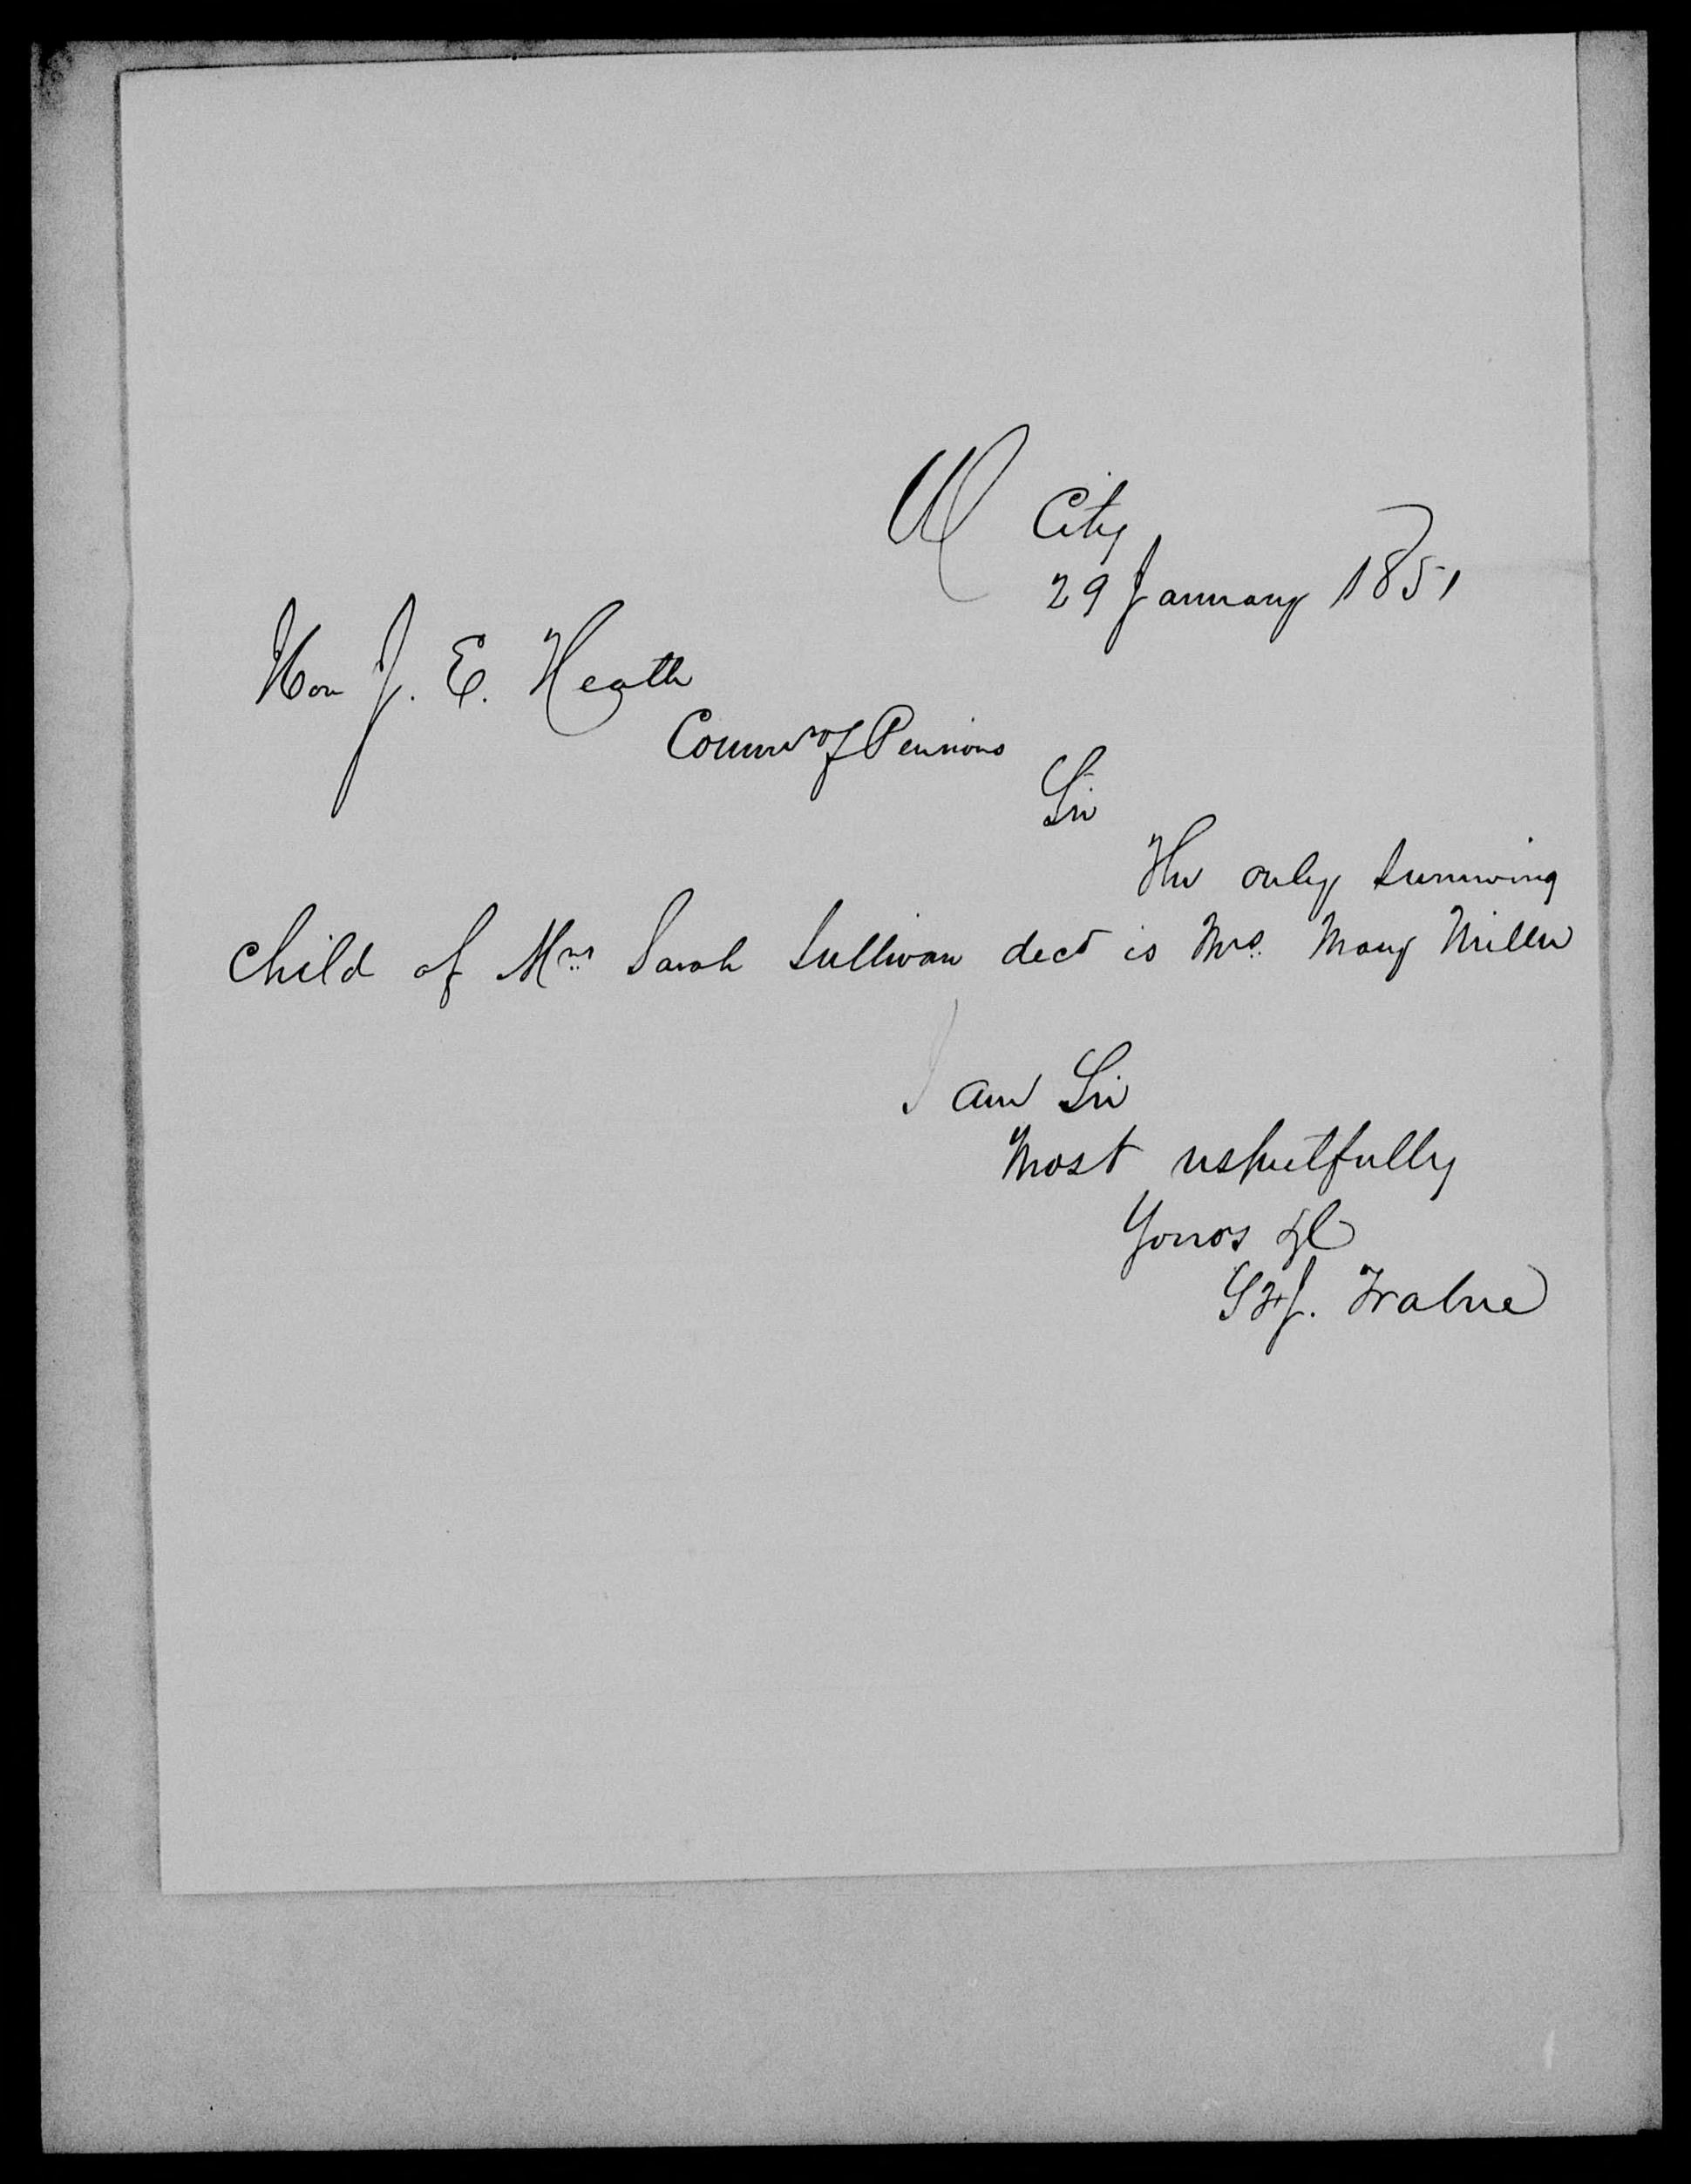W [Washington] City
29 January 1851

Hon J. E. Heath
Commr of Pensions

Sir

The only surviving child of Mrs. Sarah Sullivan dec'd is Mrs. Mary Miller

I am Sir
Most respectfully
Yours &c
[signed] C H. Trabue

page: 56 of 78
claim: widow's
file: W. 25,169, for Daniel Sullivan, Maryland